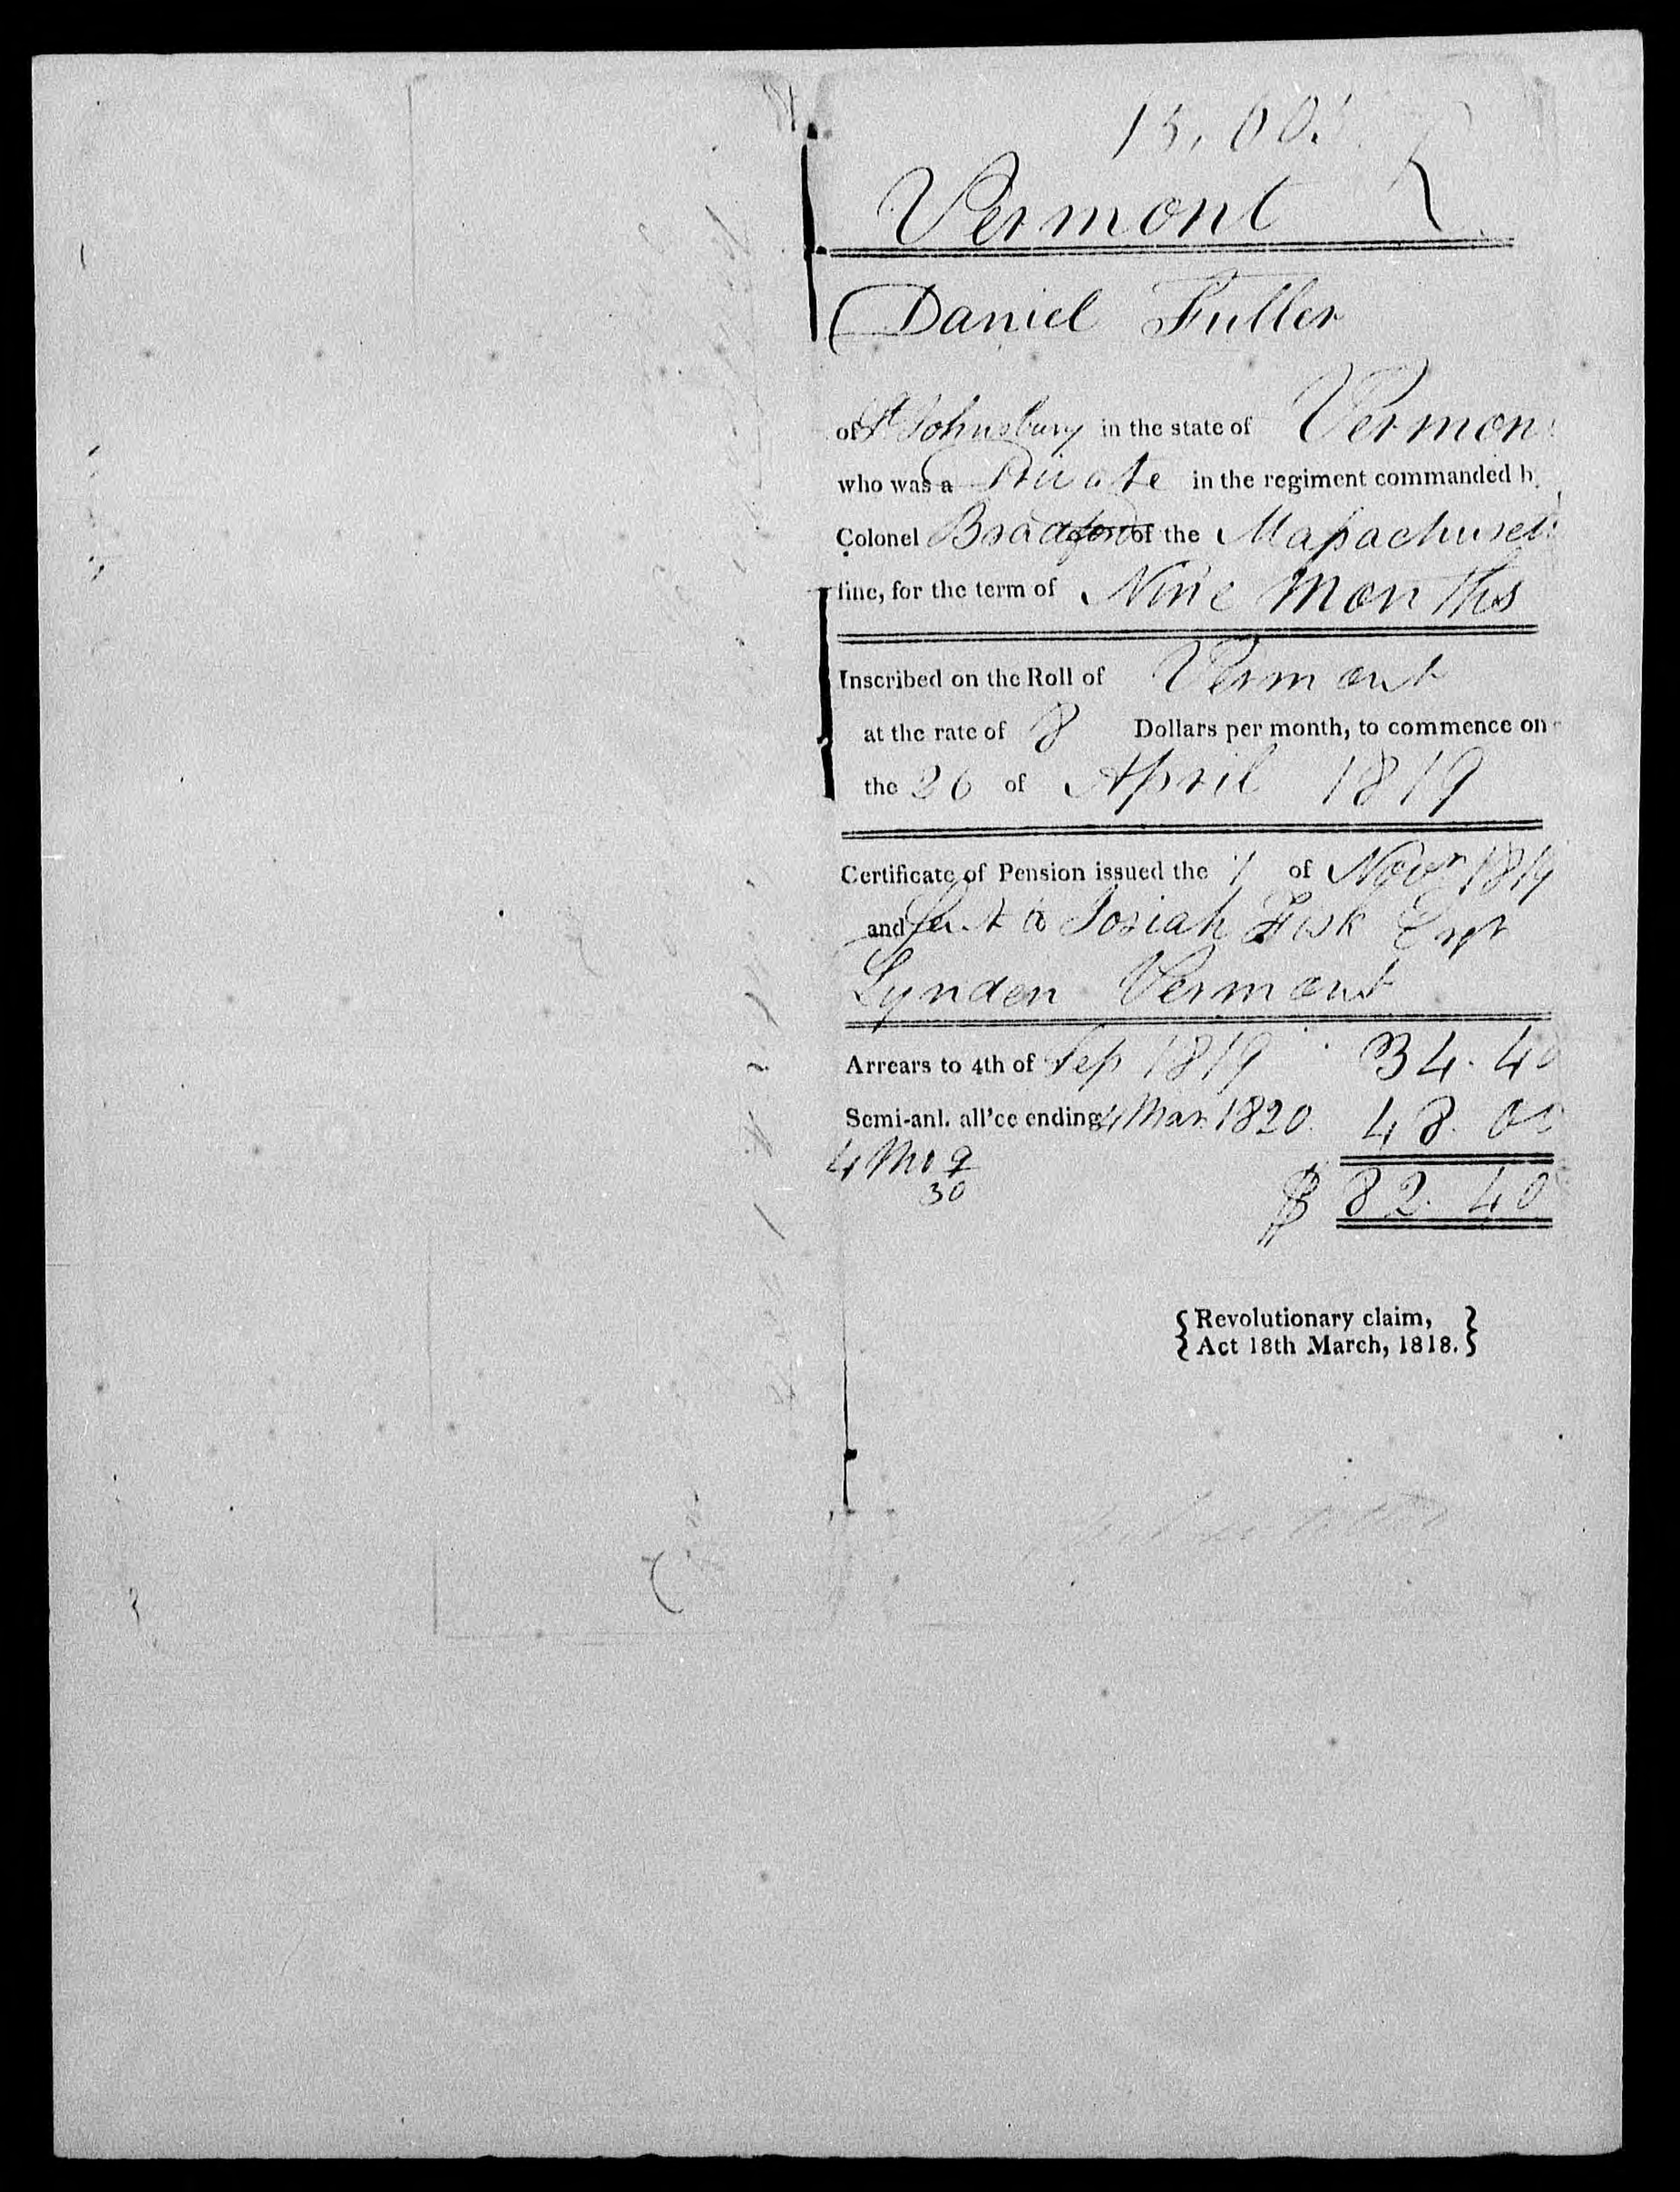15,00.
Vermont  R.
____________
Daniel Fuller 
of St. Johnsbury in the state of Vermont who was a Private in the regiment commanded by Colonel Bradford of the Massachusetts line, for the term of Nine Months 
____________
Inscribed on the Roll of Vermont at the rate of 8 Dollars per month, to commence on the 26 of April 1819
______
Certificate of Pension issued the 9 of Nov 1814 and sent to Josiah Fisk Esq
Lyndon Vermont
_________
Arrears to 4th of Sep 1819  34.40 
Semi-anl. all'ce ending Mar 1820   48.00
4 Mo 9/30                                ________________
                                            [Total] $82.40

{Revolutionary claim, Act 18th March, 1818.}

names: Bradford, Daniel Fuller, Josiah Fisk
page: 19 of 29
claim: survivor's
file: S. 18830, Daniel Fuller, Mass.